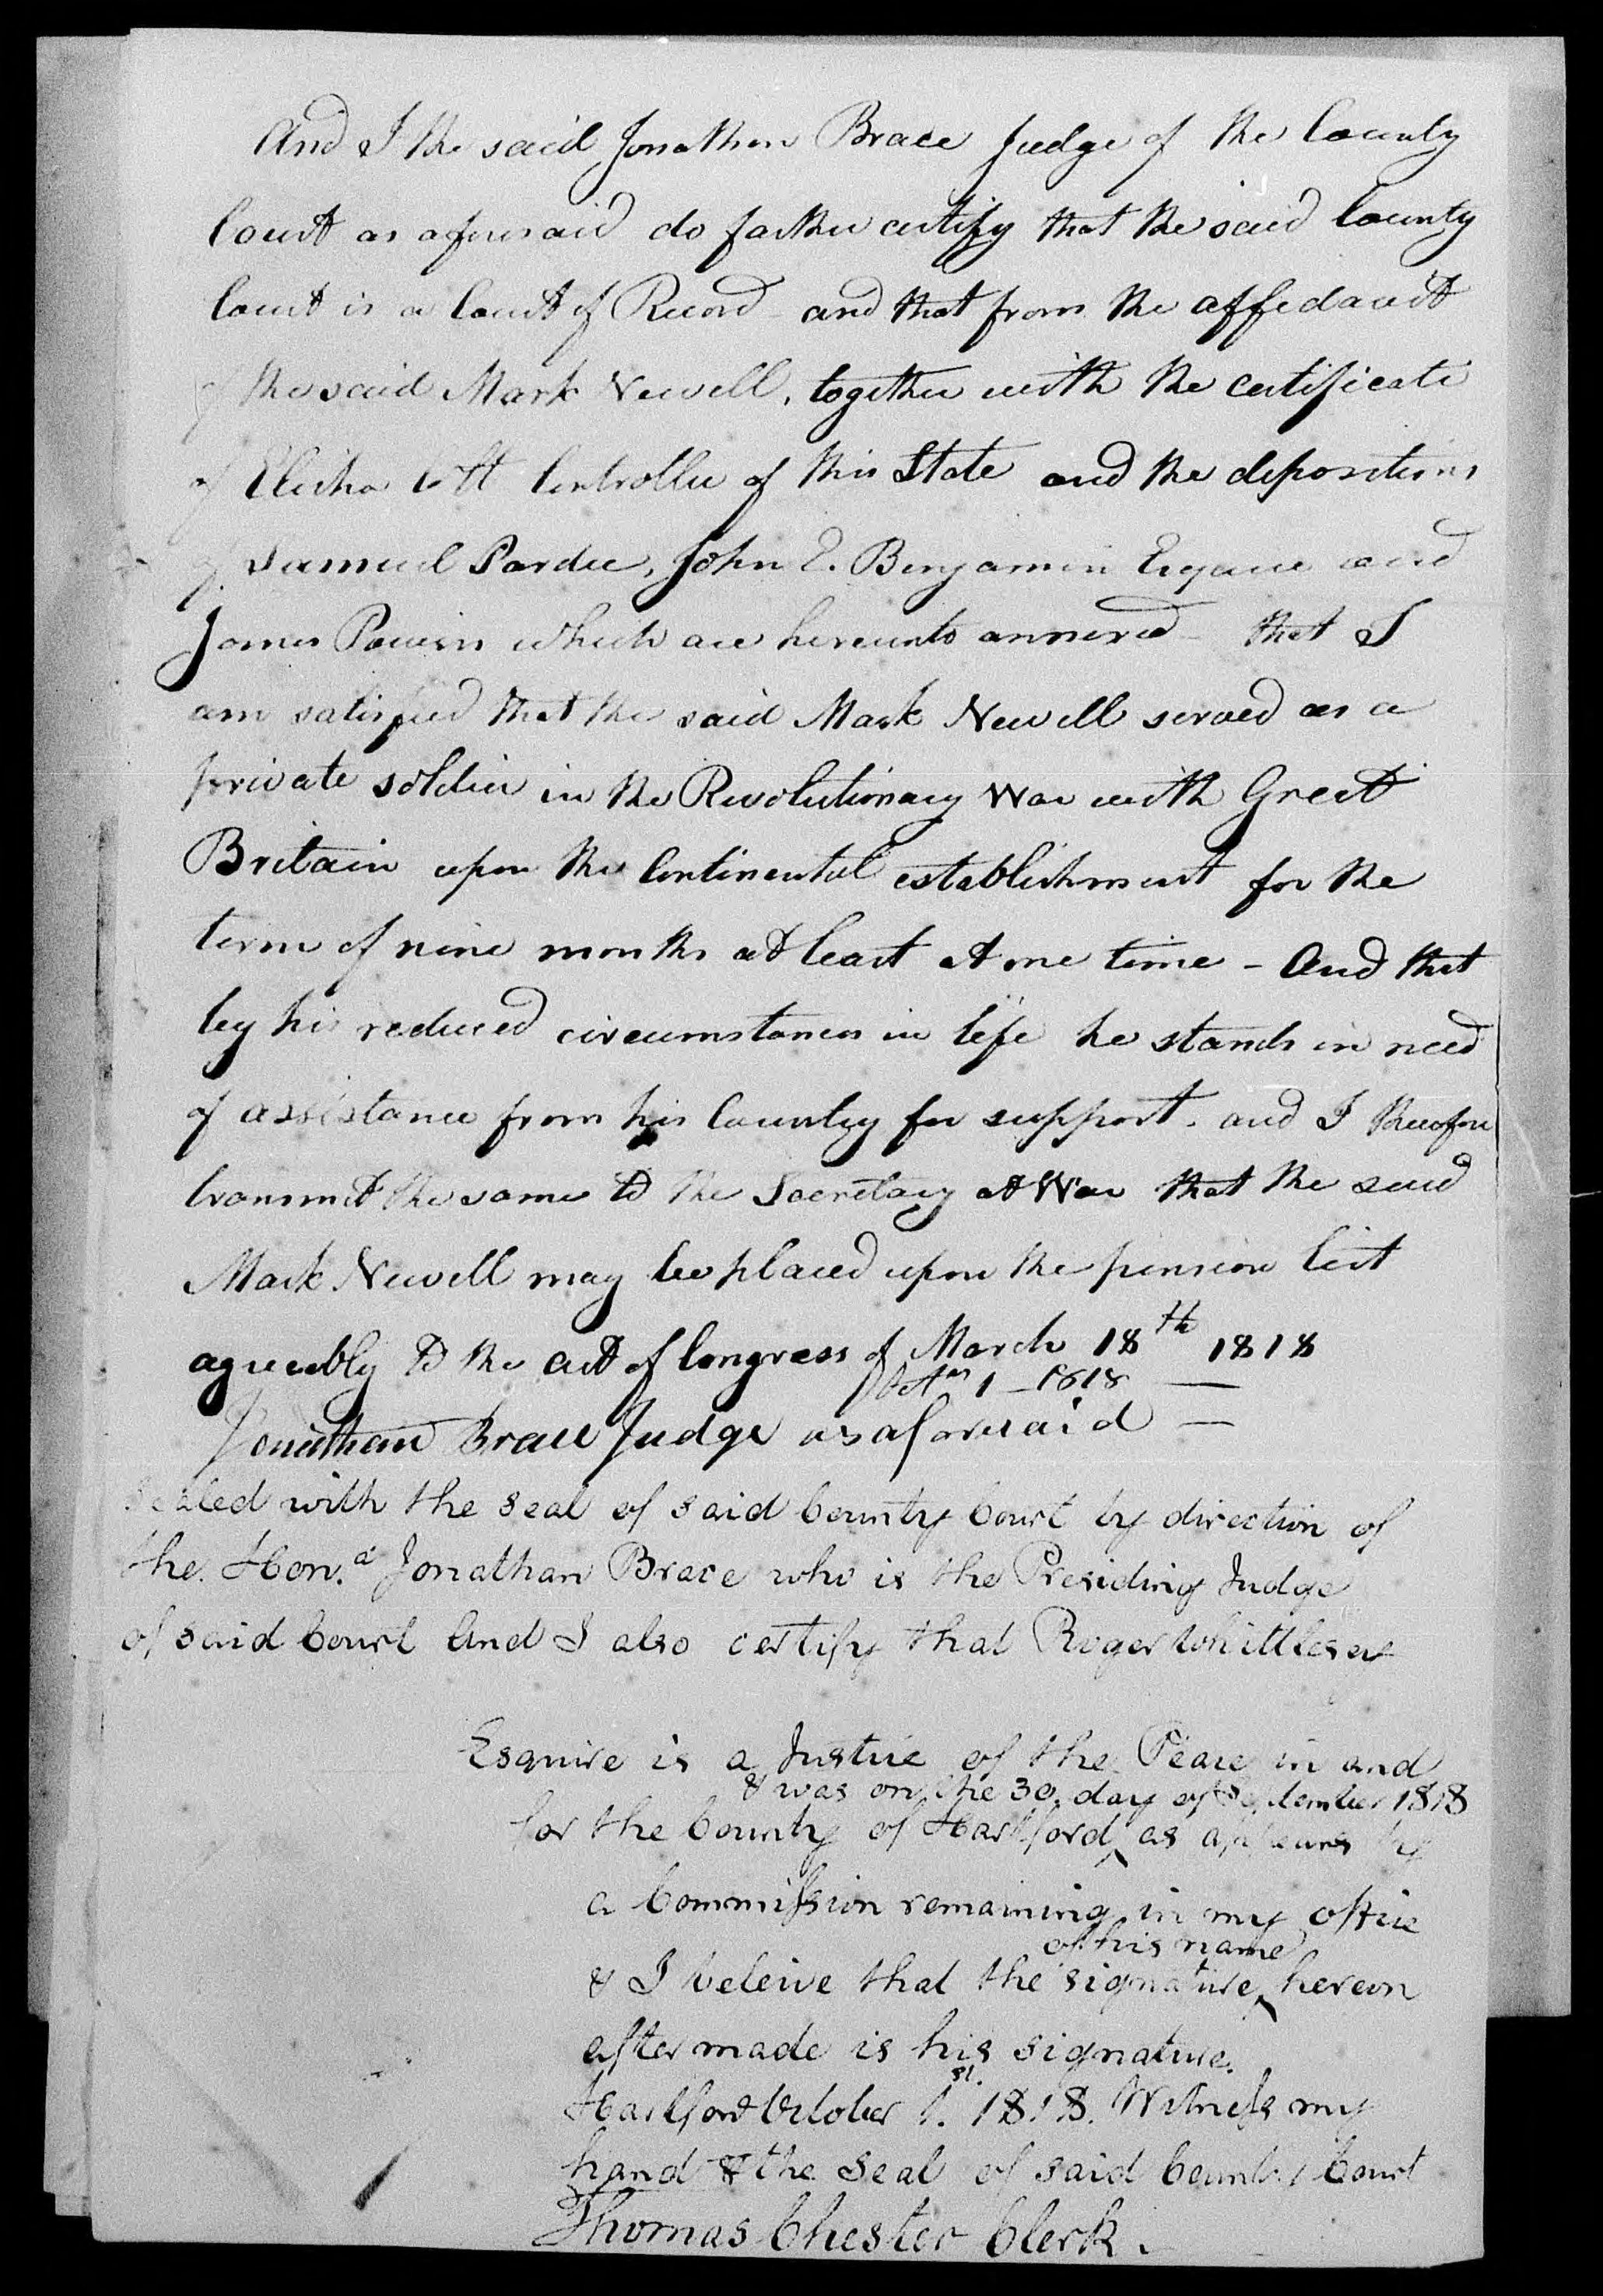And I the said Jonathan Brace Judge of the County Court as aforesaid do further certify that the said County Court is a Court of Record and that from the affidavit of the said Mark Newell, together with the certificate of Elisha Colt Controller of this State and the depositions Samuel Pardee, John E. Benjamin Esquire and James Powers which are hereunto annexed that I am satisfied that the said Mark Newell served as a private soldier in the Revolutionary war with Great Britain upon the continental establishment for the term of nine months at least one time - and that by his reduced circumstances in life he stands in need of assistance from his country for support, and I therefore transmit the same to the Secretary at War that the said Mark Newell may be placed upon the pension list
agreeably to the act of Congress of March 18th 1818 Oct"1 _____ 1818 _____
Jonathan Brace Judge as aforesaid -

sealed with the seal of said County Court by direction of
the Hon Jonathan Brace who is the Presiding Judge of said Court and I also certify that Roger Whittlesey Esquire is a Justice of the Peace in and for the County of Hartford & was on the 30 day of September 1818 appears by
a Commission remaining in my office & I believe that the signature herein after made is his signature. Witness my hand & the seal of said County Court

Thomas Chester Clerk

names: Samuel Pardee; John E Benjamin; James Powers; Roger Whittlesey; Jonathan Brace; Thomas Chester; Mark Newell; Elisha Cott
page: 6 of 9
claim: survivor's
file: S. 36190, for Mark Newell, Connecticut